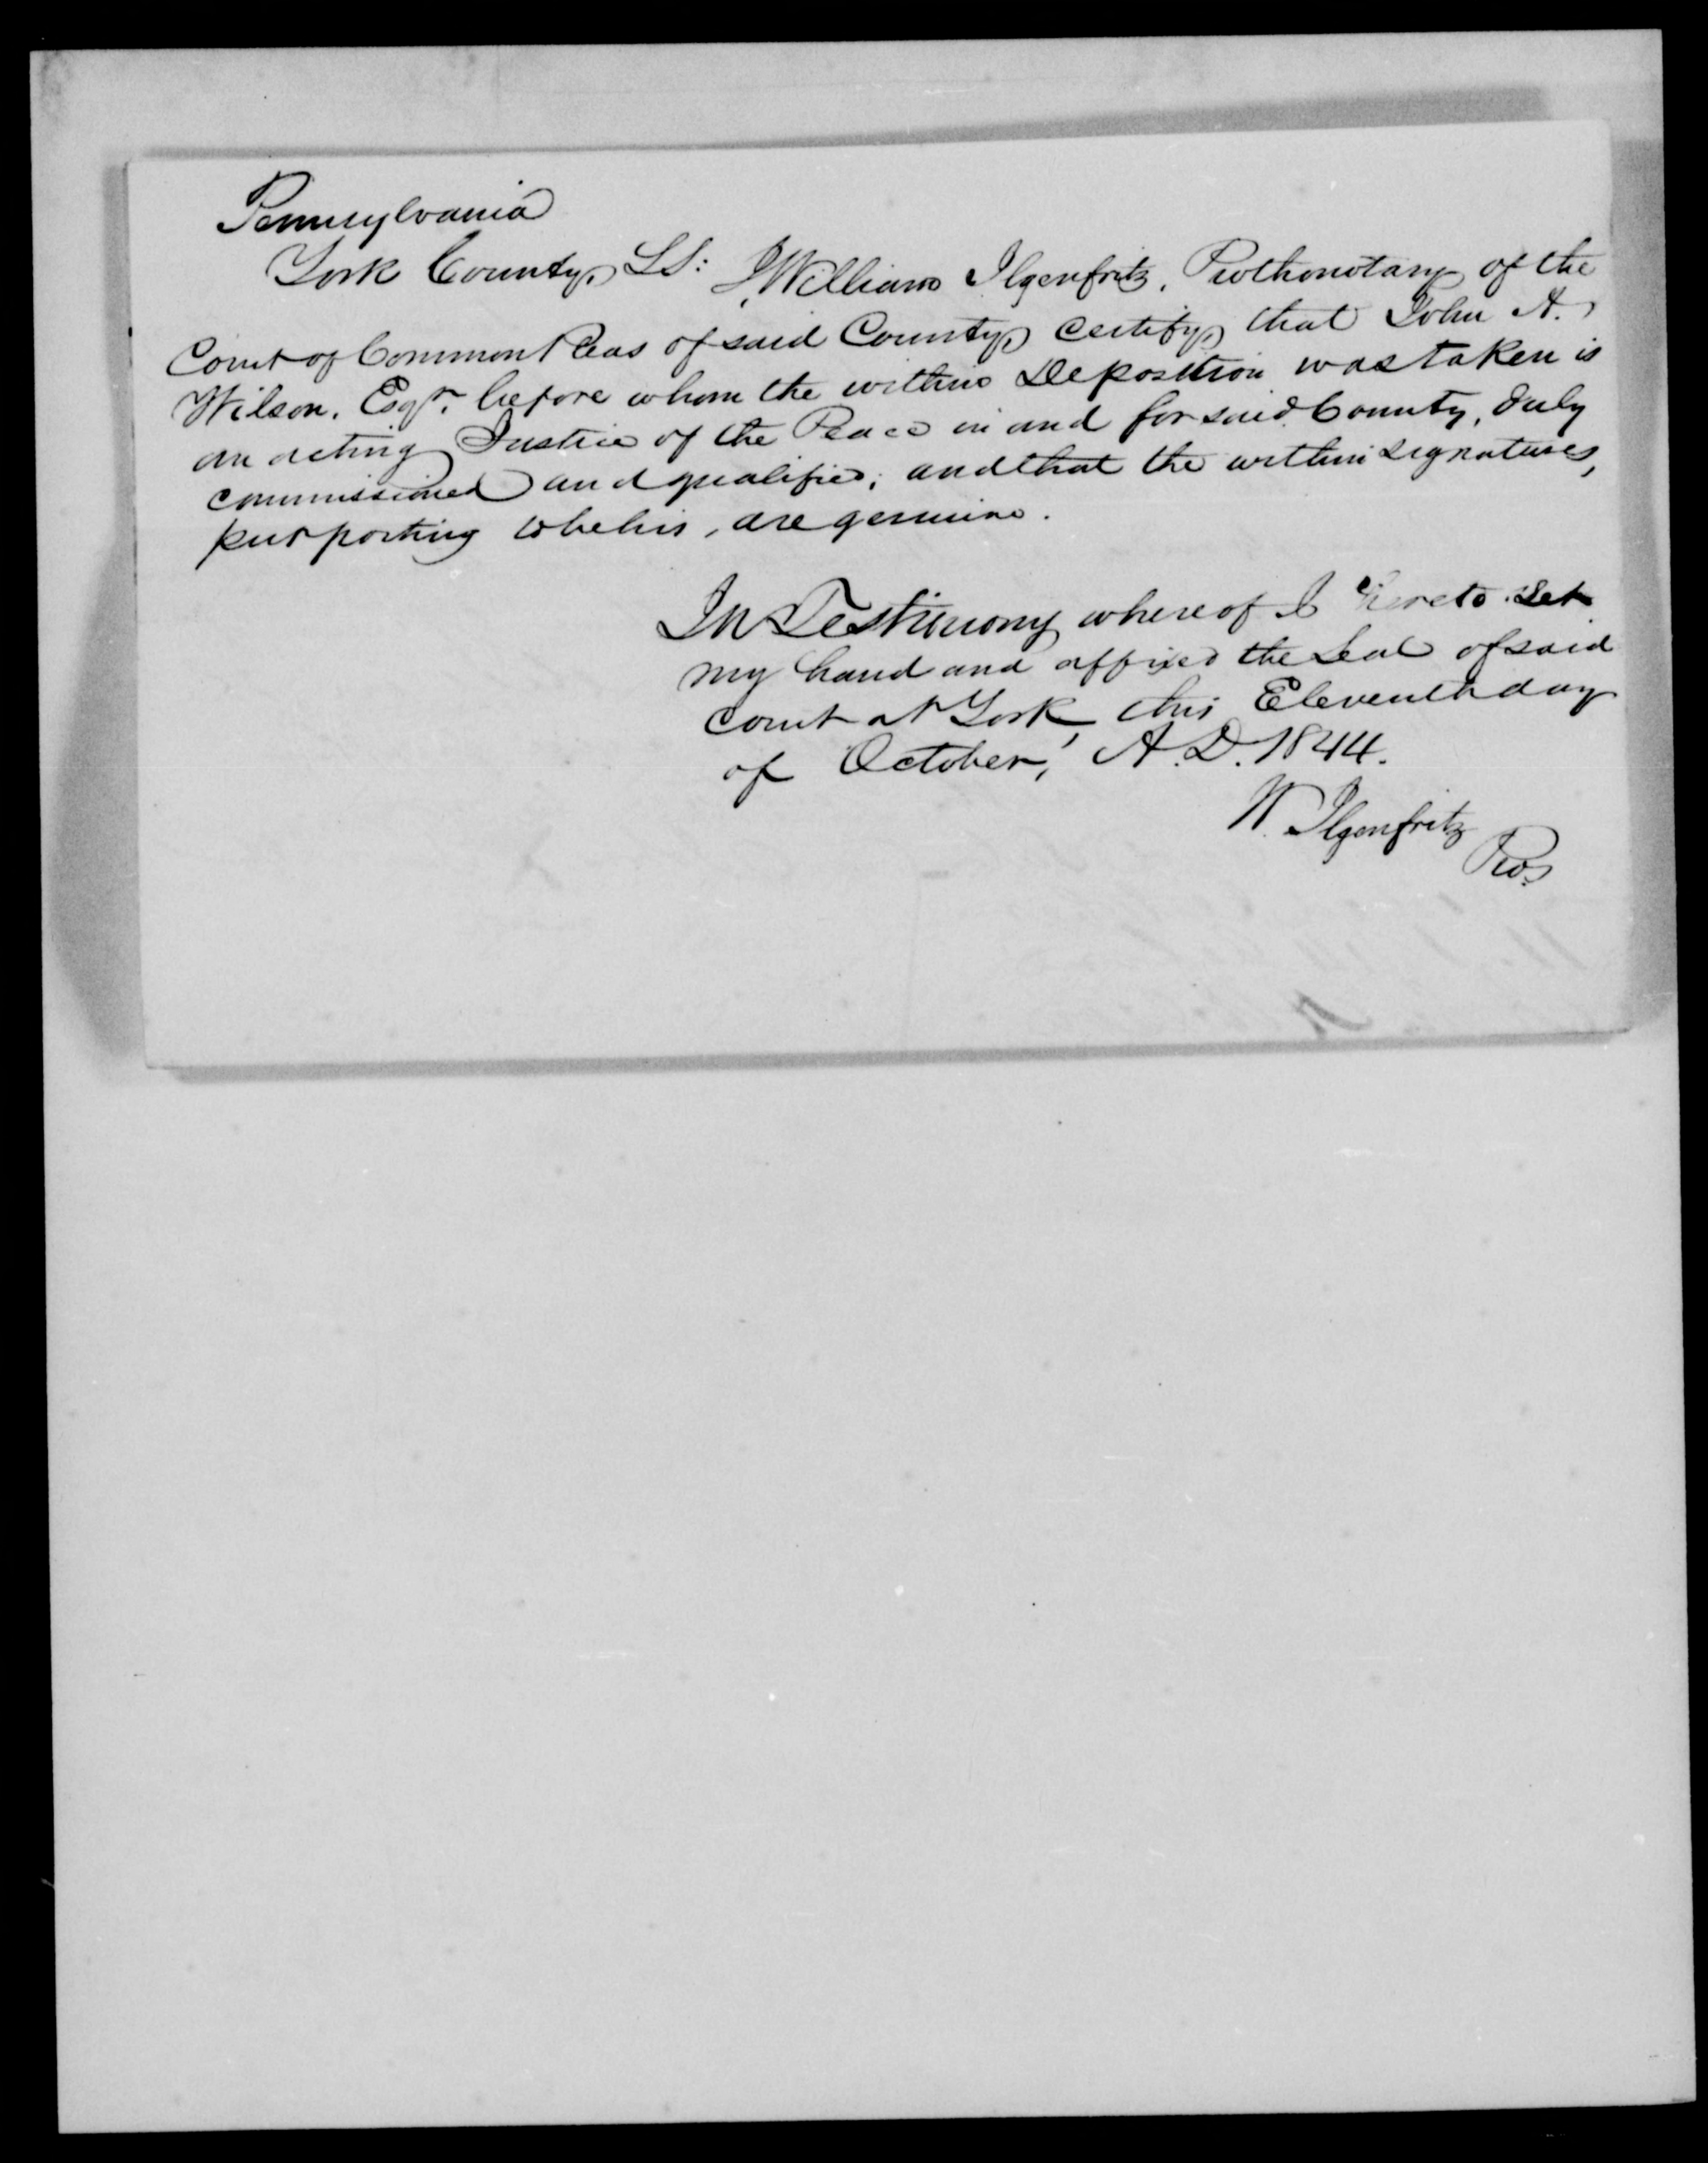Pennsylvania York County Ss. I William Ilgenfritz, Prothonotary of the Court of Commonpleas of said County certify that John A. Wilson, Esqr before whom the within Deposition was taken is an acting Justice of the Peace in and for said County, duly commissioned and qualified; and that the within signatures purporting to be his, are genuine.
In Testimony whereof I hereto set my hand and affixed the Seal of said Court at York this Eleventh day of October, A.D. 1844
W. Ilgenfritz Pro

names: William Ilgenfretz, John A Wilson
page: 48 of 68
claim: survivor's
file: S. 6,358, George Wentling, Penn.